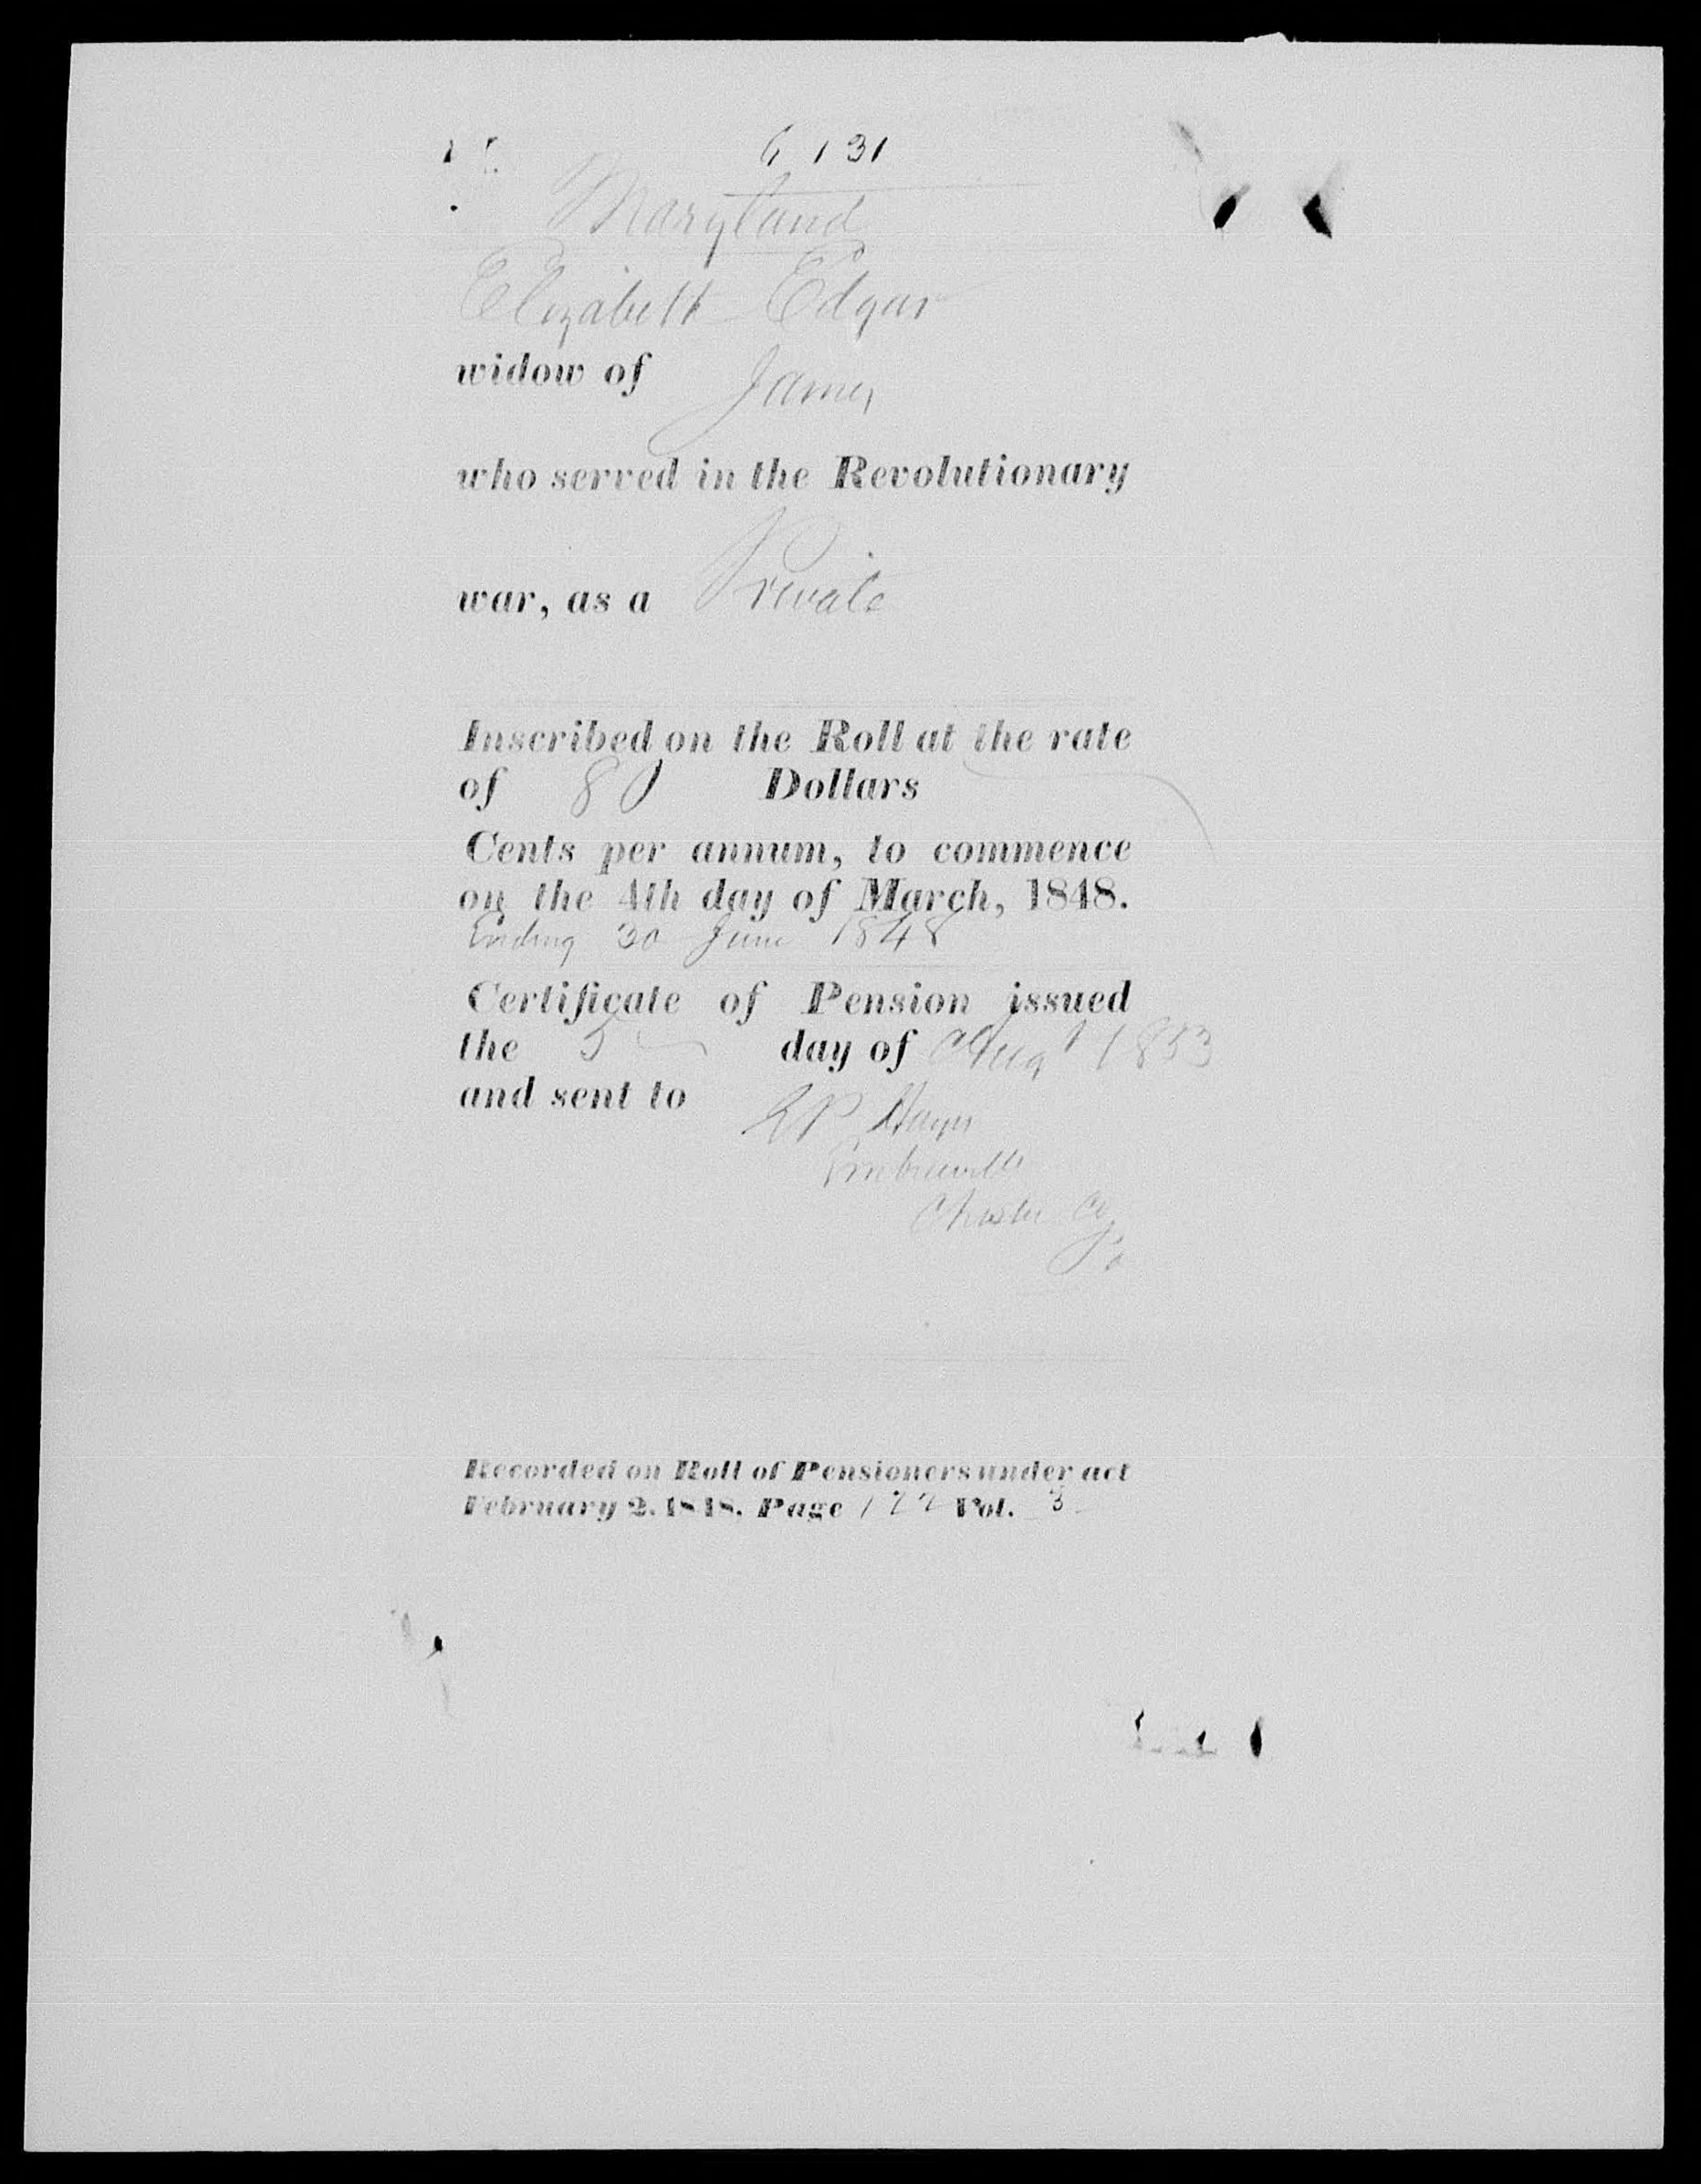[handwritten]
6 131

Maryland

Elizabeth Edgar
[end of handwriting]

Widow of [handwritten] James [end of handwriting] who service in the Revolutionary war, as a [handwritten] Private [end of handwriting]

Inscribe on the Roll at the rate of [handwritten]  80 [end of hand writing] Dollars -- Cents per annum, to commence on the 4th day of March, 1848.

[handwritten] Ending 30 June 1848 [end of handwriting]

Certificate of Pension issued the [handwritten] 5 [end of handwriting] day of [handwritten]  Aug 1853 [end of handwriting] and sent to 
[handwritten]
RP Hayes
Embreeville
Chester Co
Pa
[end of handwriting]

Recorded on Roll of Pensioners under act February 2, 1818, Page 122 Vol. 3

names: G P Hayes, Elizabeth Edgar, James Edgar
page: 3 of 74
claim: widow's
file: W. 9422, James Edgar, Penn.